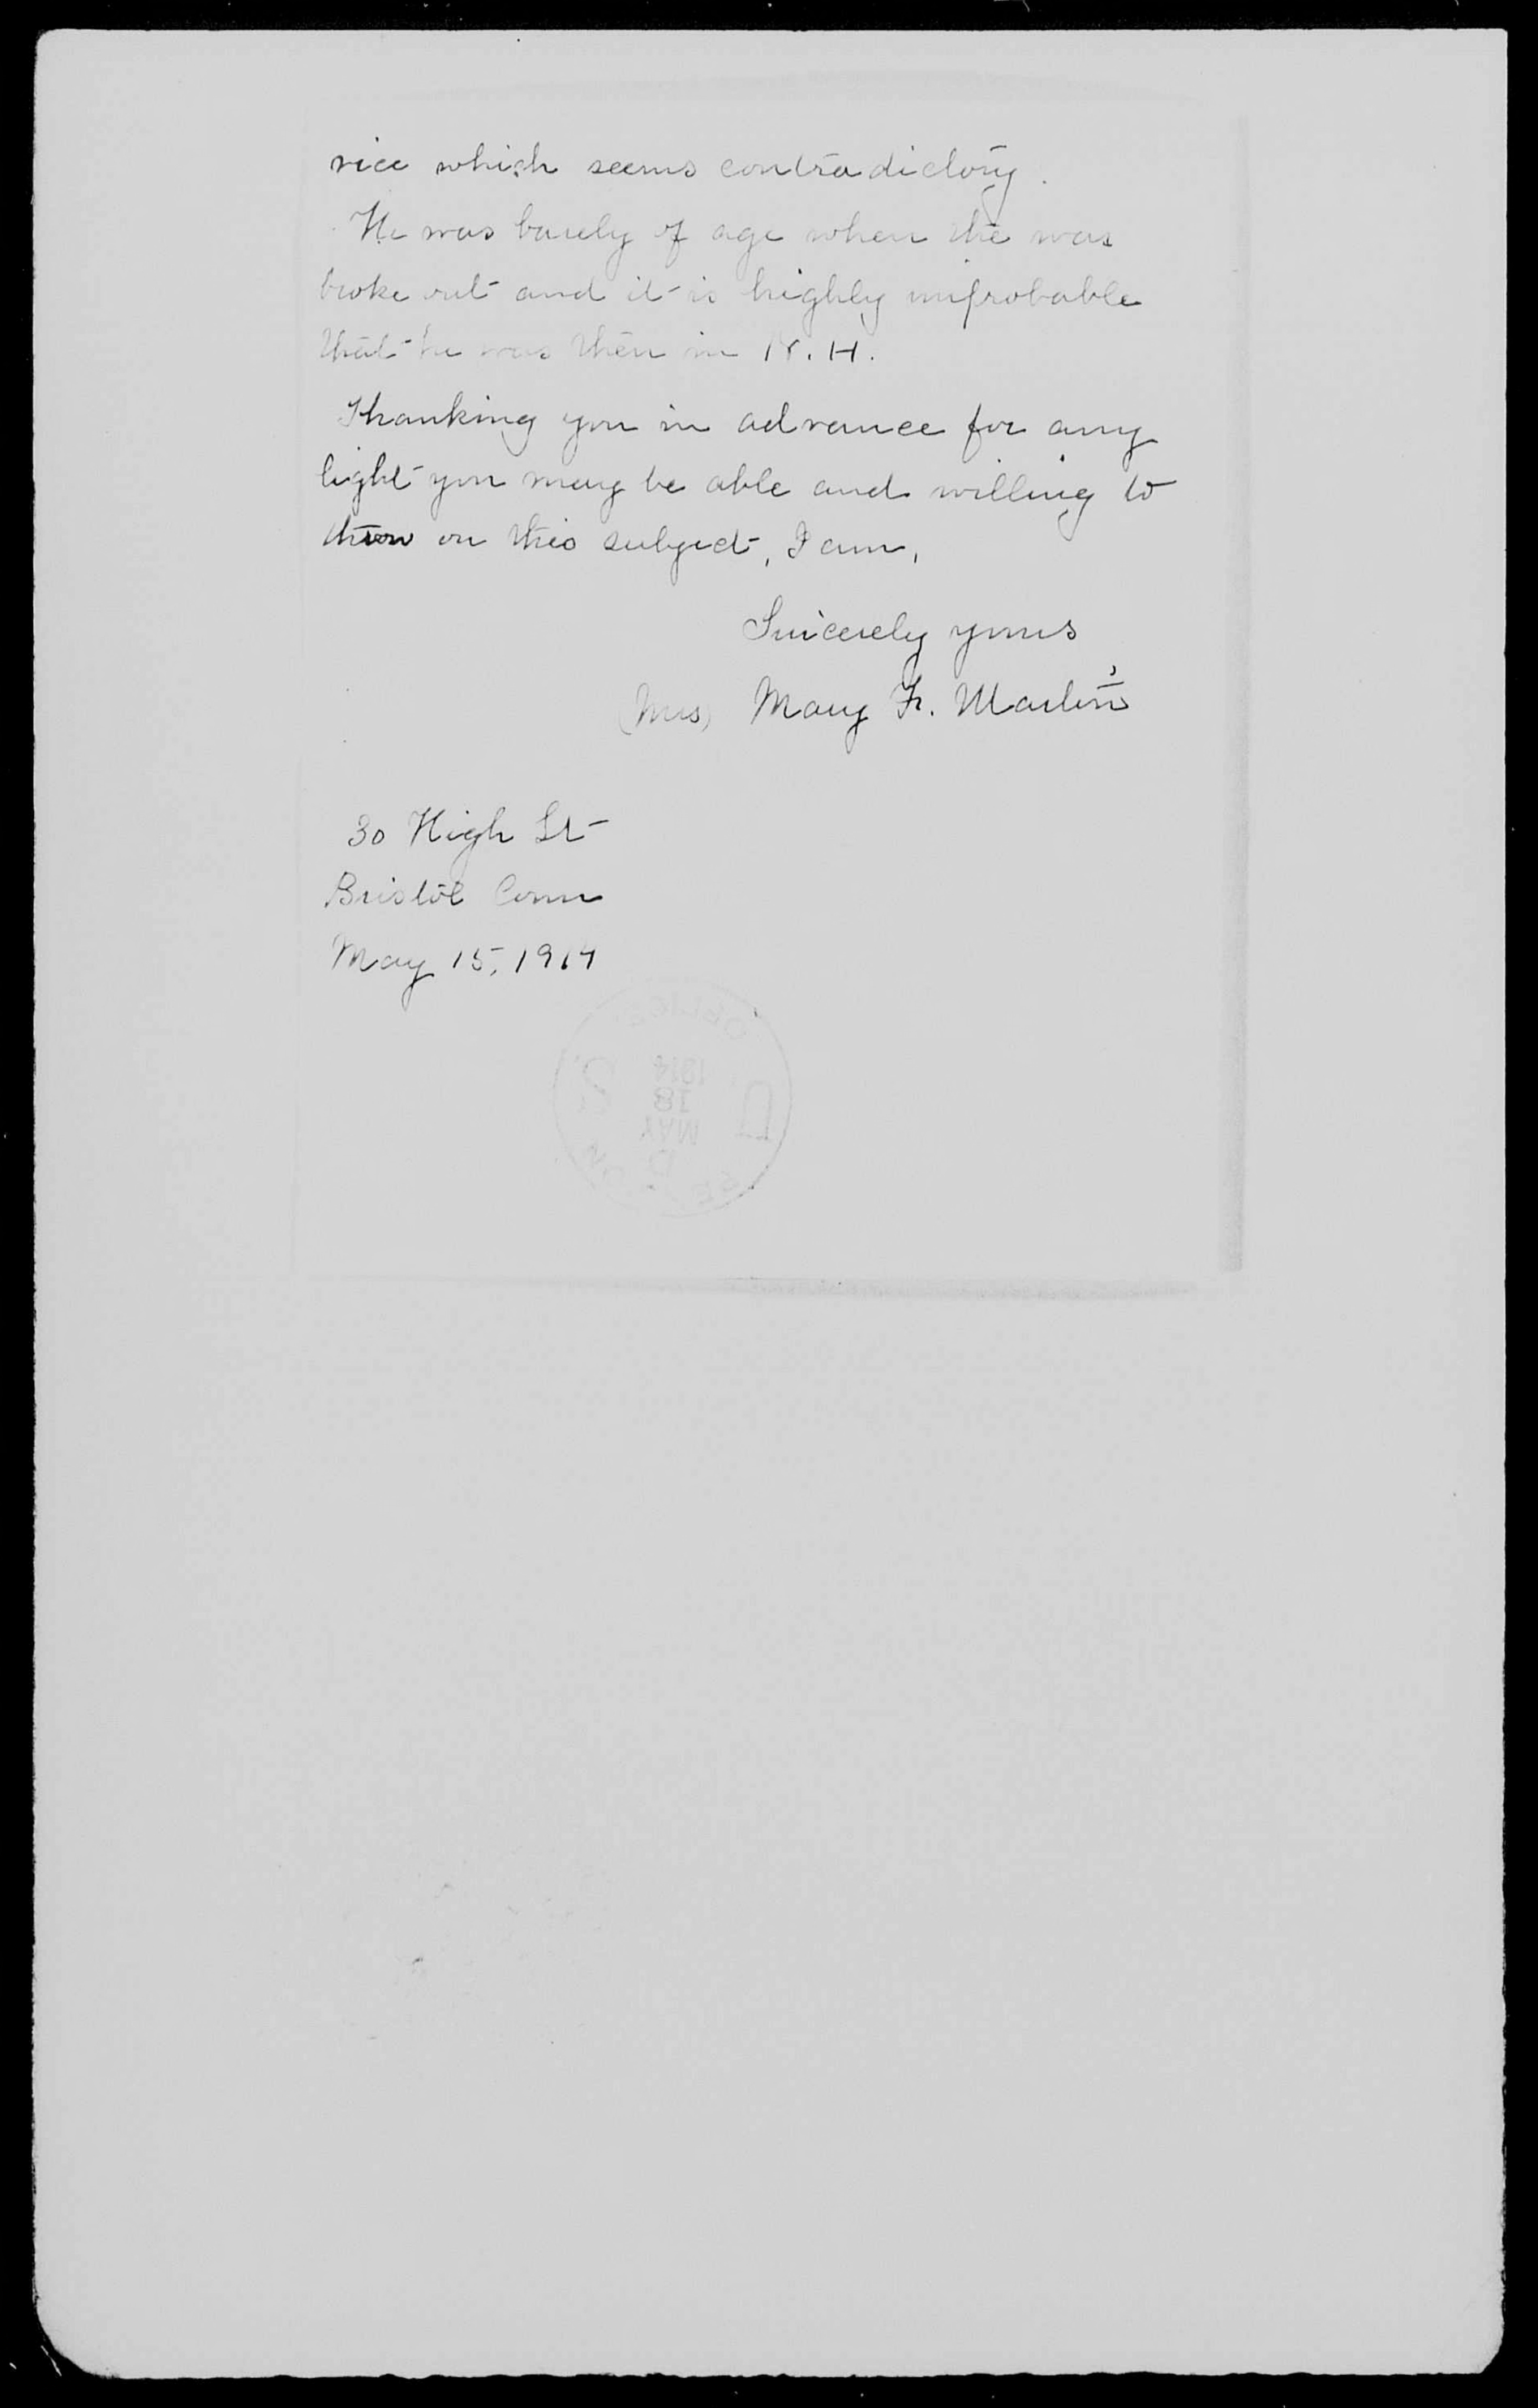vice which seems contradictory.
He was barely of age when he was broke out and it is highly improbable that he was then in N.H.
Thanking you in advance for any light you may be able and willing to throw on this subject, I am
Sincerely yours
[signed] Mrs, Mary F. Martin
30 High St
Bristol Corn
May 15, 1914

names: Mary F Martin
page: 27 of 34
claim: survivor's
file: S. 39981, Judah Benjamin, Continental (N. H. And N. Y.)